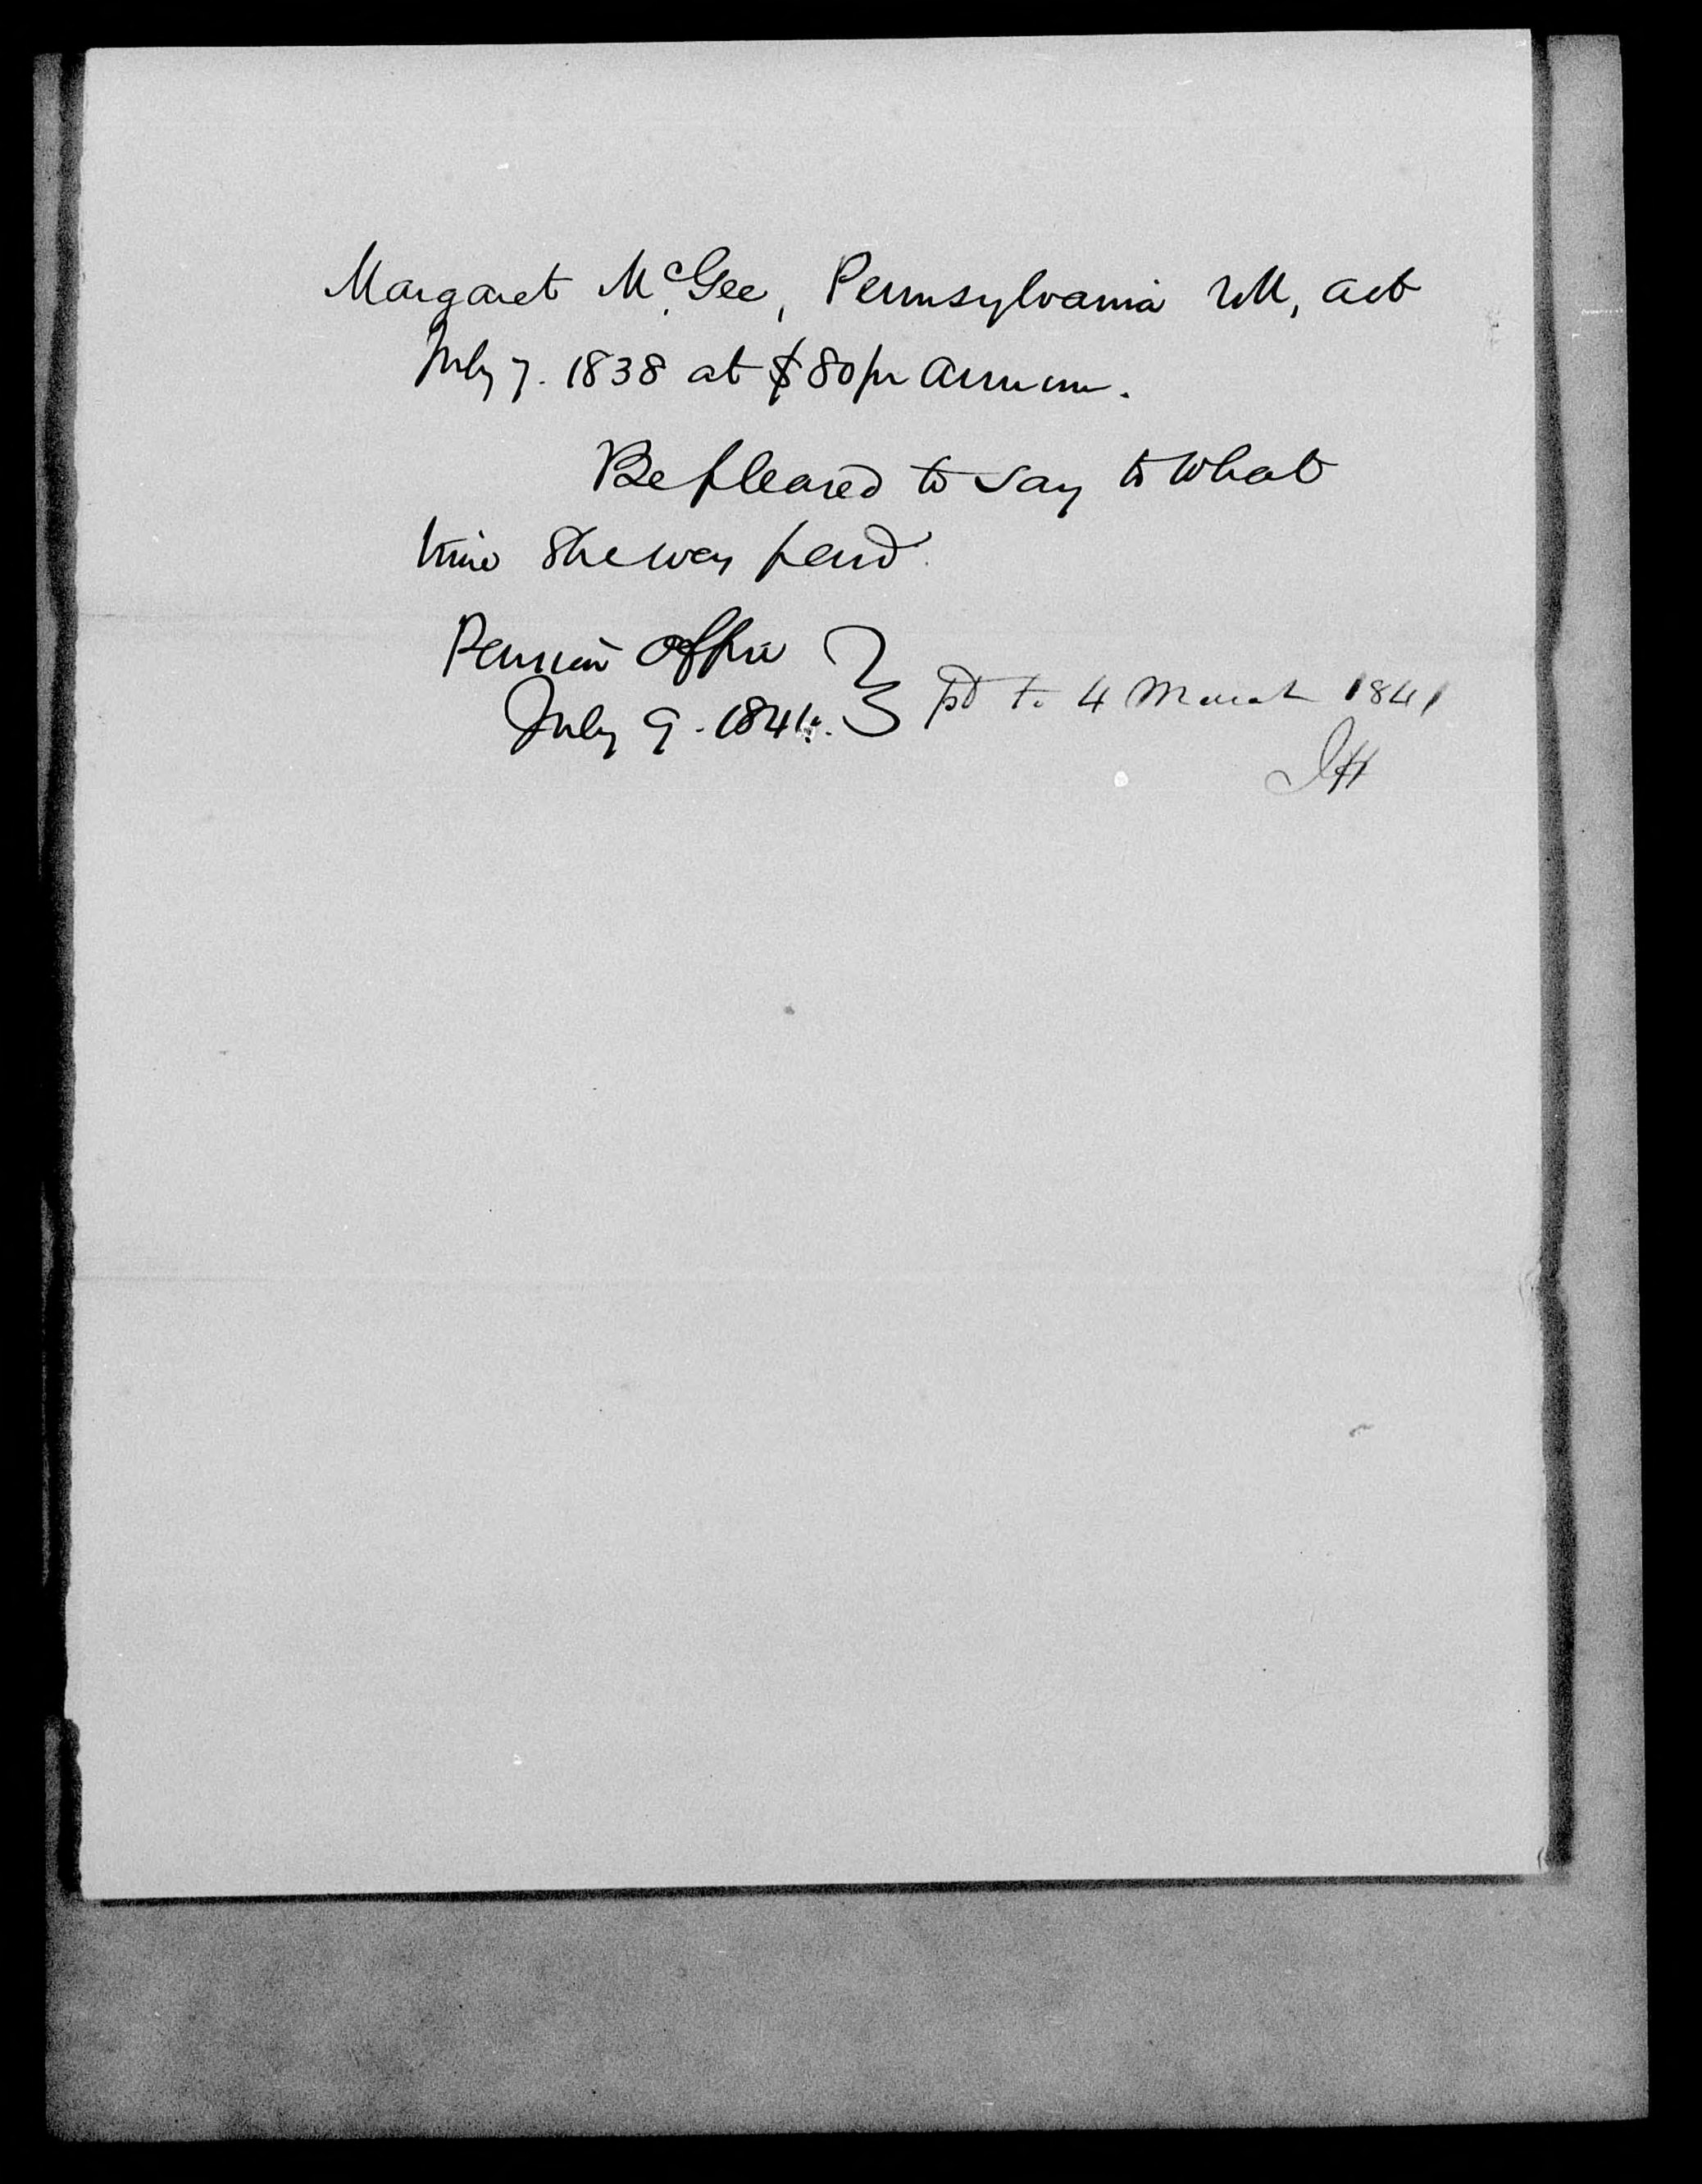Margaret McGee, Pennsylvania roll, act
July 7. 1838 at $80 per annum
Be pleased to say to what
time she was paid
Pension Office }
July 9. 1844.  } pd to 4 March 1841
JH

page: 22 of 77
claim: widow's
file: W 2954, for James Mc Gee, Delaware